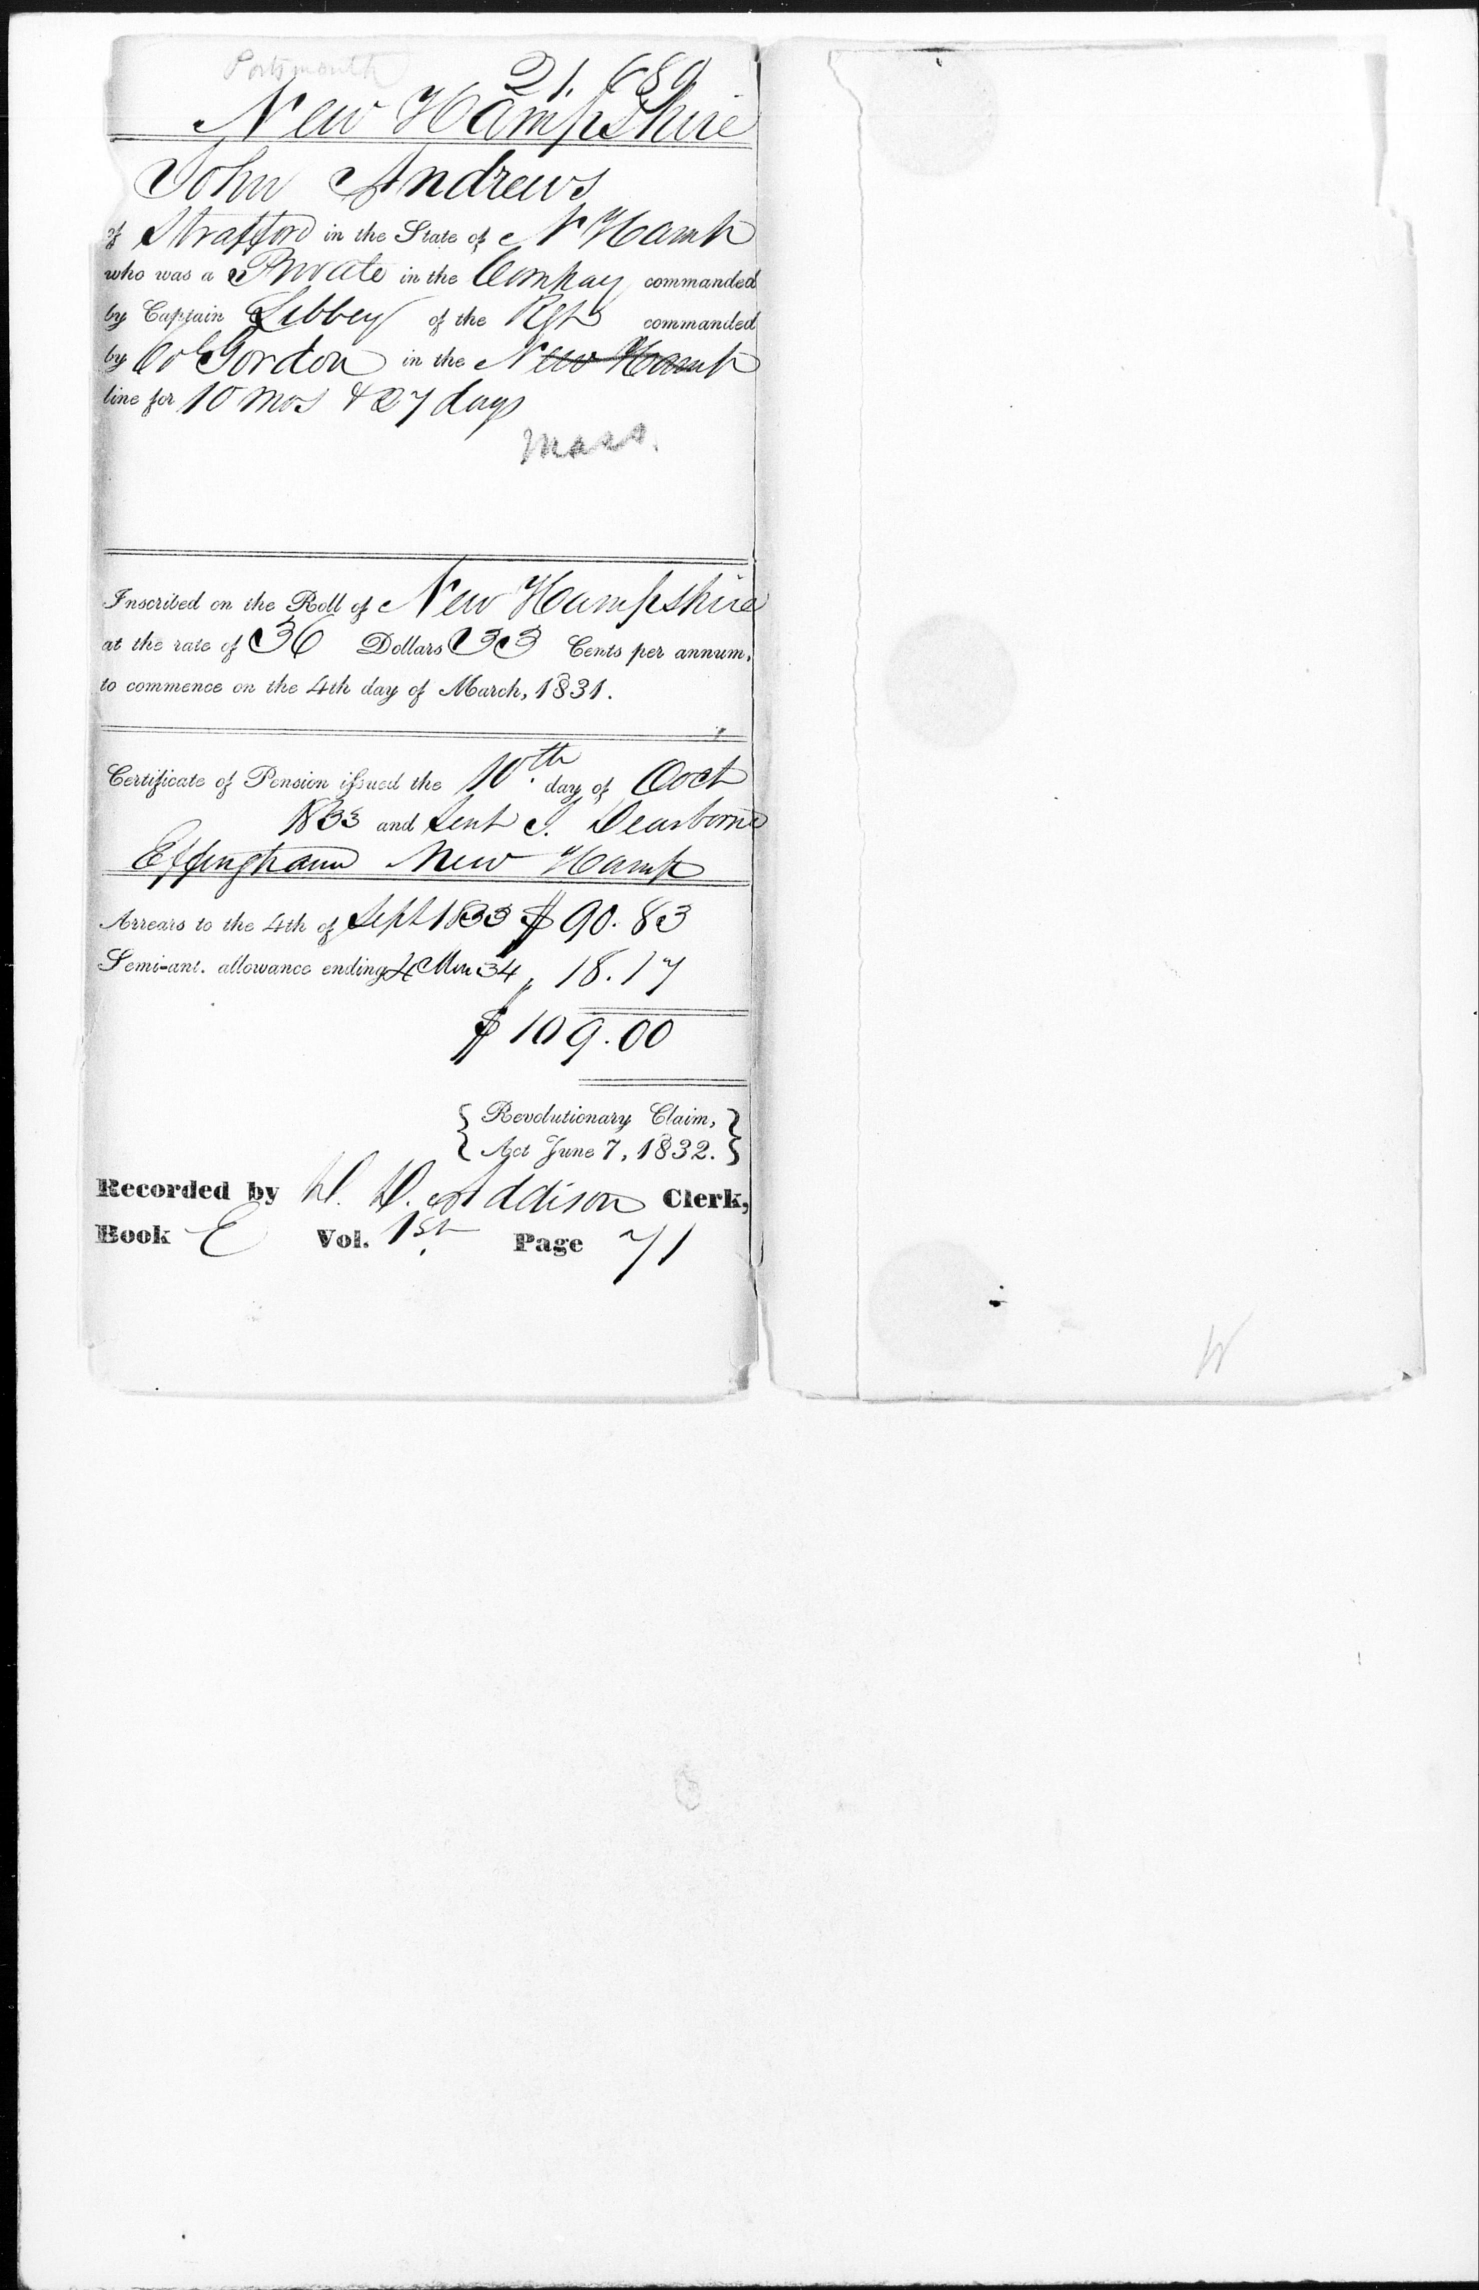Portsmouth    

21.689

John Andrews
of Strafford in the State of New Hampshire who was a Private in the Company commanded by Captain Libby of the Regt. commanded by Col. Gordon in the Mass. line for 10 months and 27 days. 

Inscribed on the roll of New Hampshire at the rate of 36 Dollars 33 cents per annum, to commence on the 4th day of March 1831.

Certificate of Pension issued the 10th day of October 1833 and sent J. Dearborn in Effingham, New Hampshire. 


Arrears to the 4th of september 1833 $90.83
Semi-ant, allowance ending [?] Mar 3   $18.17
                                                                                               $109.00

Revolutionary Claim,
Act June 7 1832

Recorded by 
D. D.  Addison, Clerk
Book E, Vol. 1st,   Page 71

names: John Andrews, D D Addison, Libbey, J Dearborne, Gordon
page: 2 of 23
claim: widow's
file: W. 1693, John Andrews, Mass.